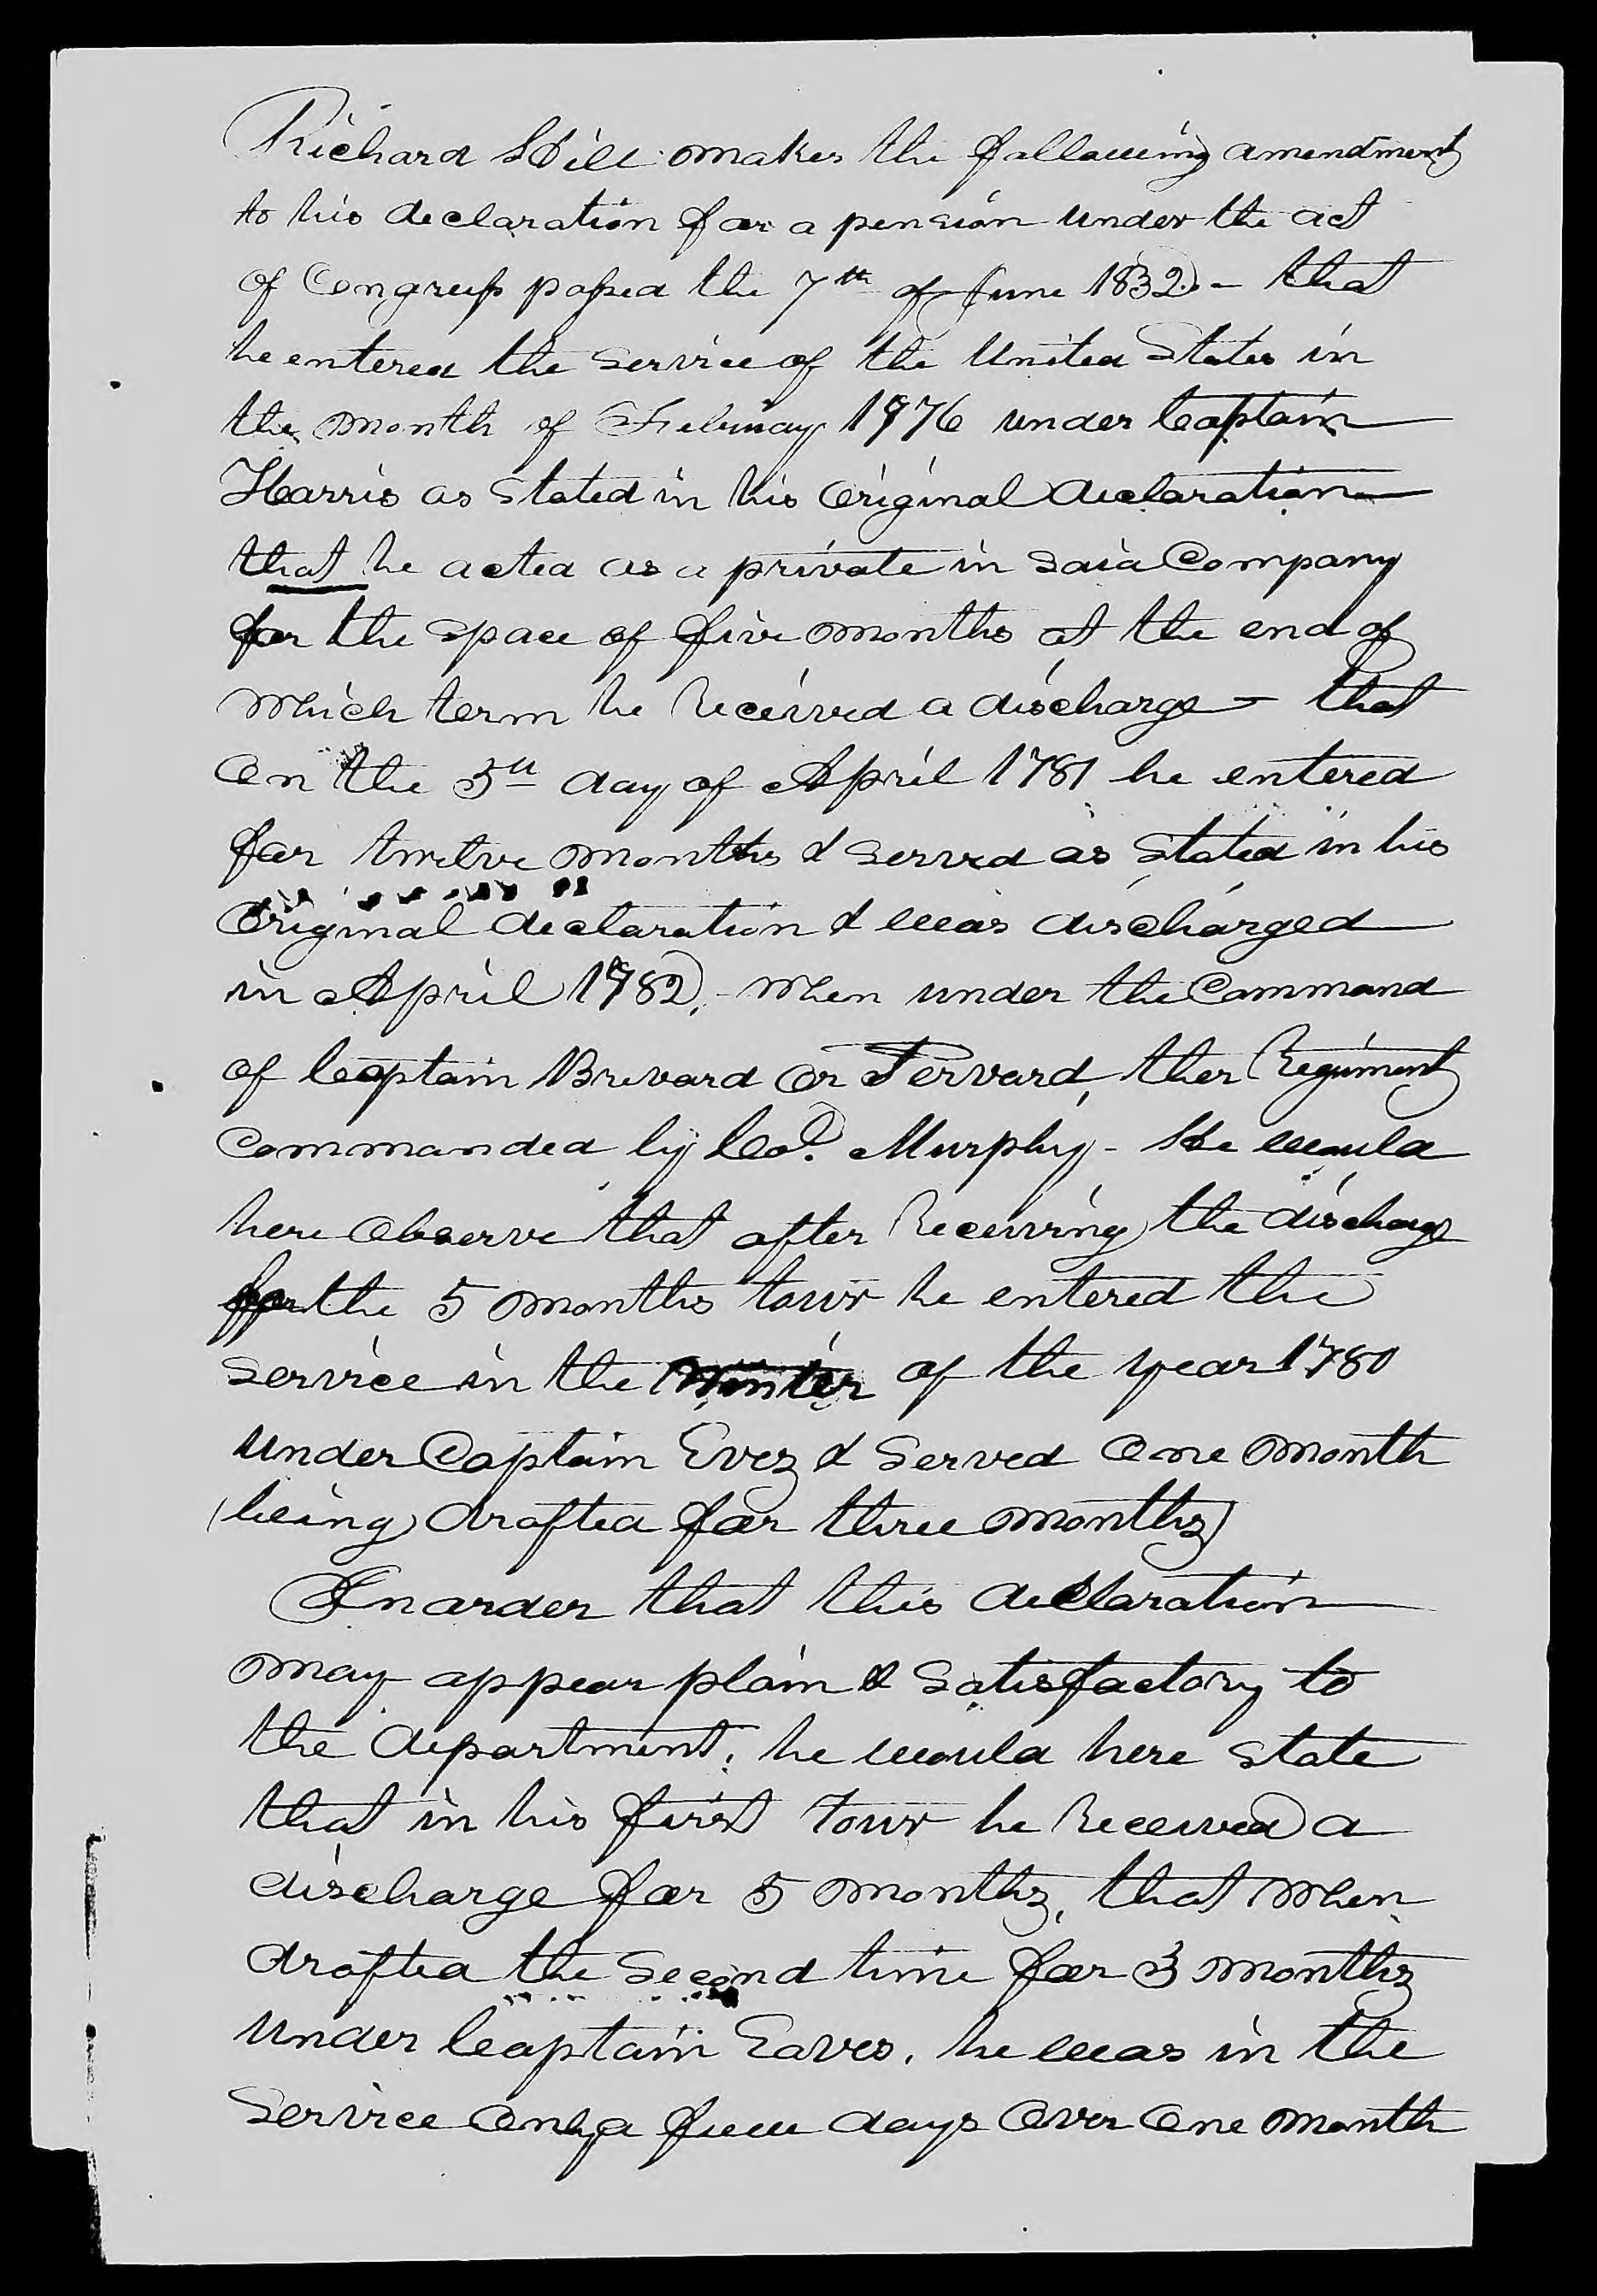Richard Hill makes the following amendment to his declaration for a pension under the act of Congress passed the 7th June 1832 – that he entered the service of the United States in the month of February 1776 under Captain Harris as stated in his Original Declaration that he acted as a private in said Company for the space of five months at the end of which term he received a discharge – that on the 5th day of April 1781 he entered for twelve months & served as stated in his original declaration & was discharged in April 1782 – when under the command of Captain Brevard or Prevard, their Regiment commanded by Col. [Colonel] Murphy. He would here observe that after Receiving a discharge for the 5 months tour he entered the service in the winter of the year 1780 under Captain Eves & served one month being drafted for three months. 

In order that in this declaration may appear plain & Satisfactory to the Department, he would here state that in his first Tour he received a discharge for 5 months, that when drafted the second time for 3 months under Captain Eaves, he was in the service only a few days over one month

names: Murphy, Eaves, Harris, Brevard, Eves, Richard Hill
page: 7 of 27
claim: rejected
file: R. 5006, Richard Hill, N.C.